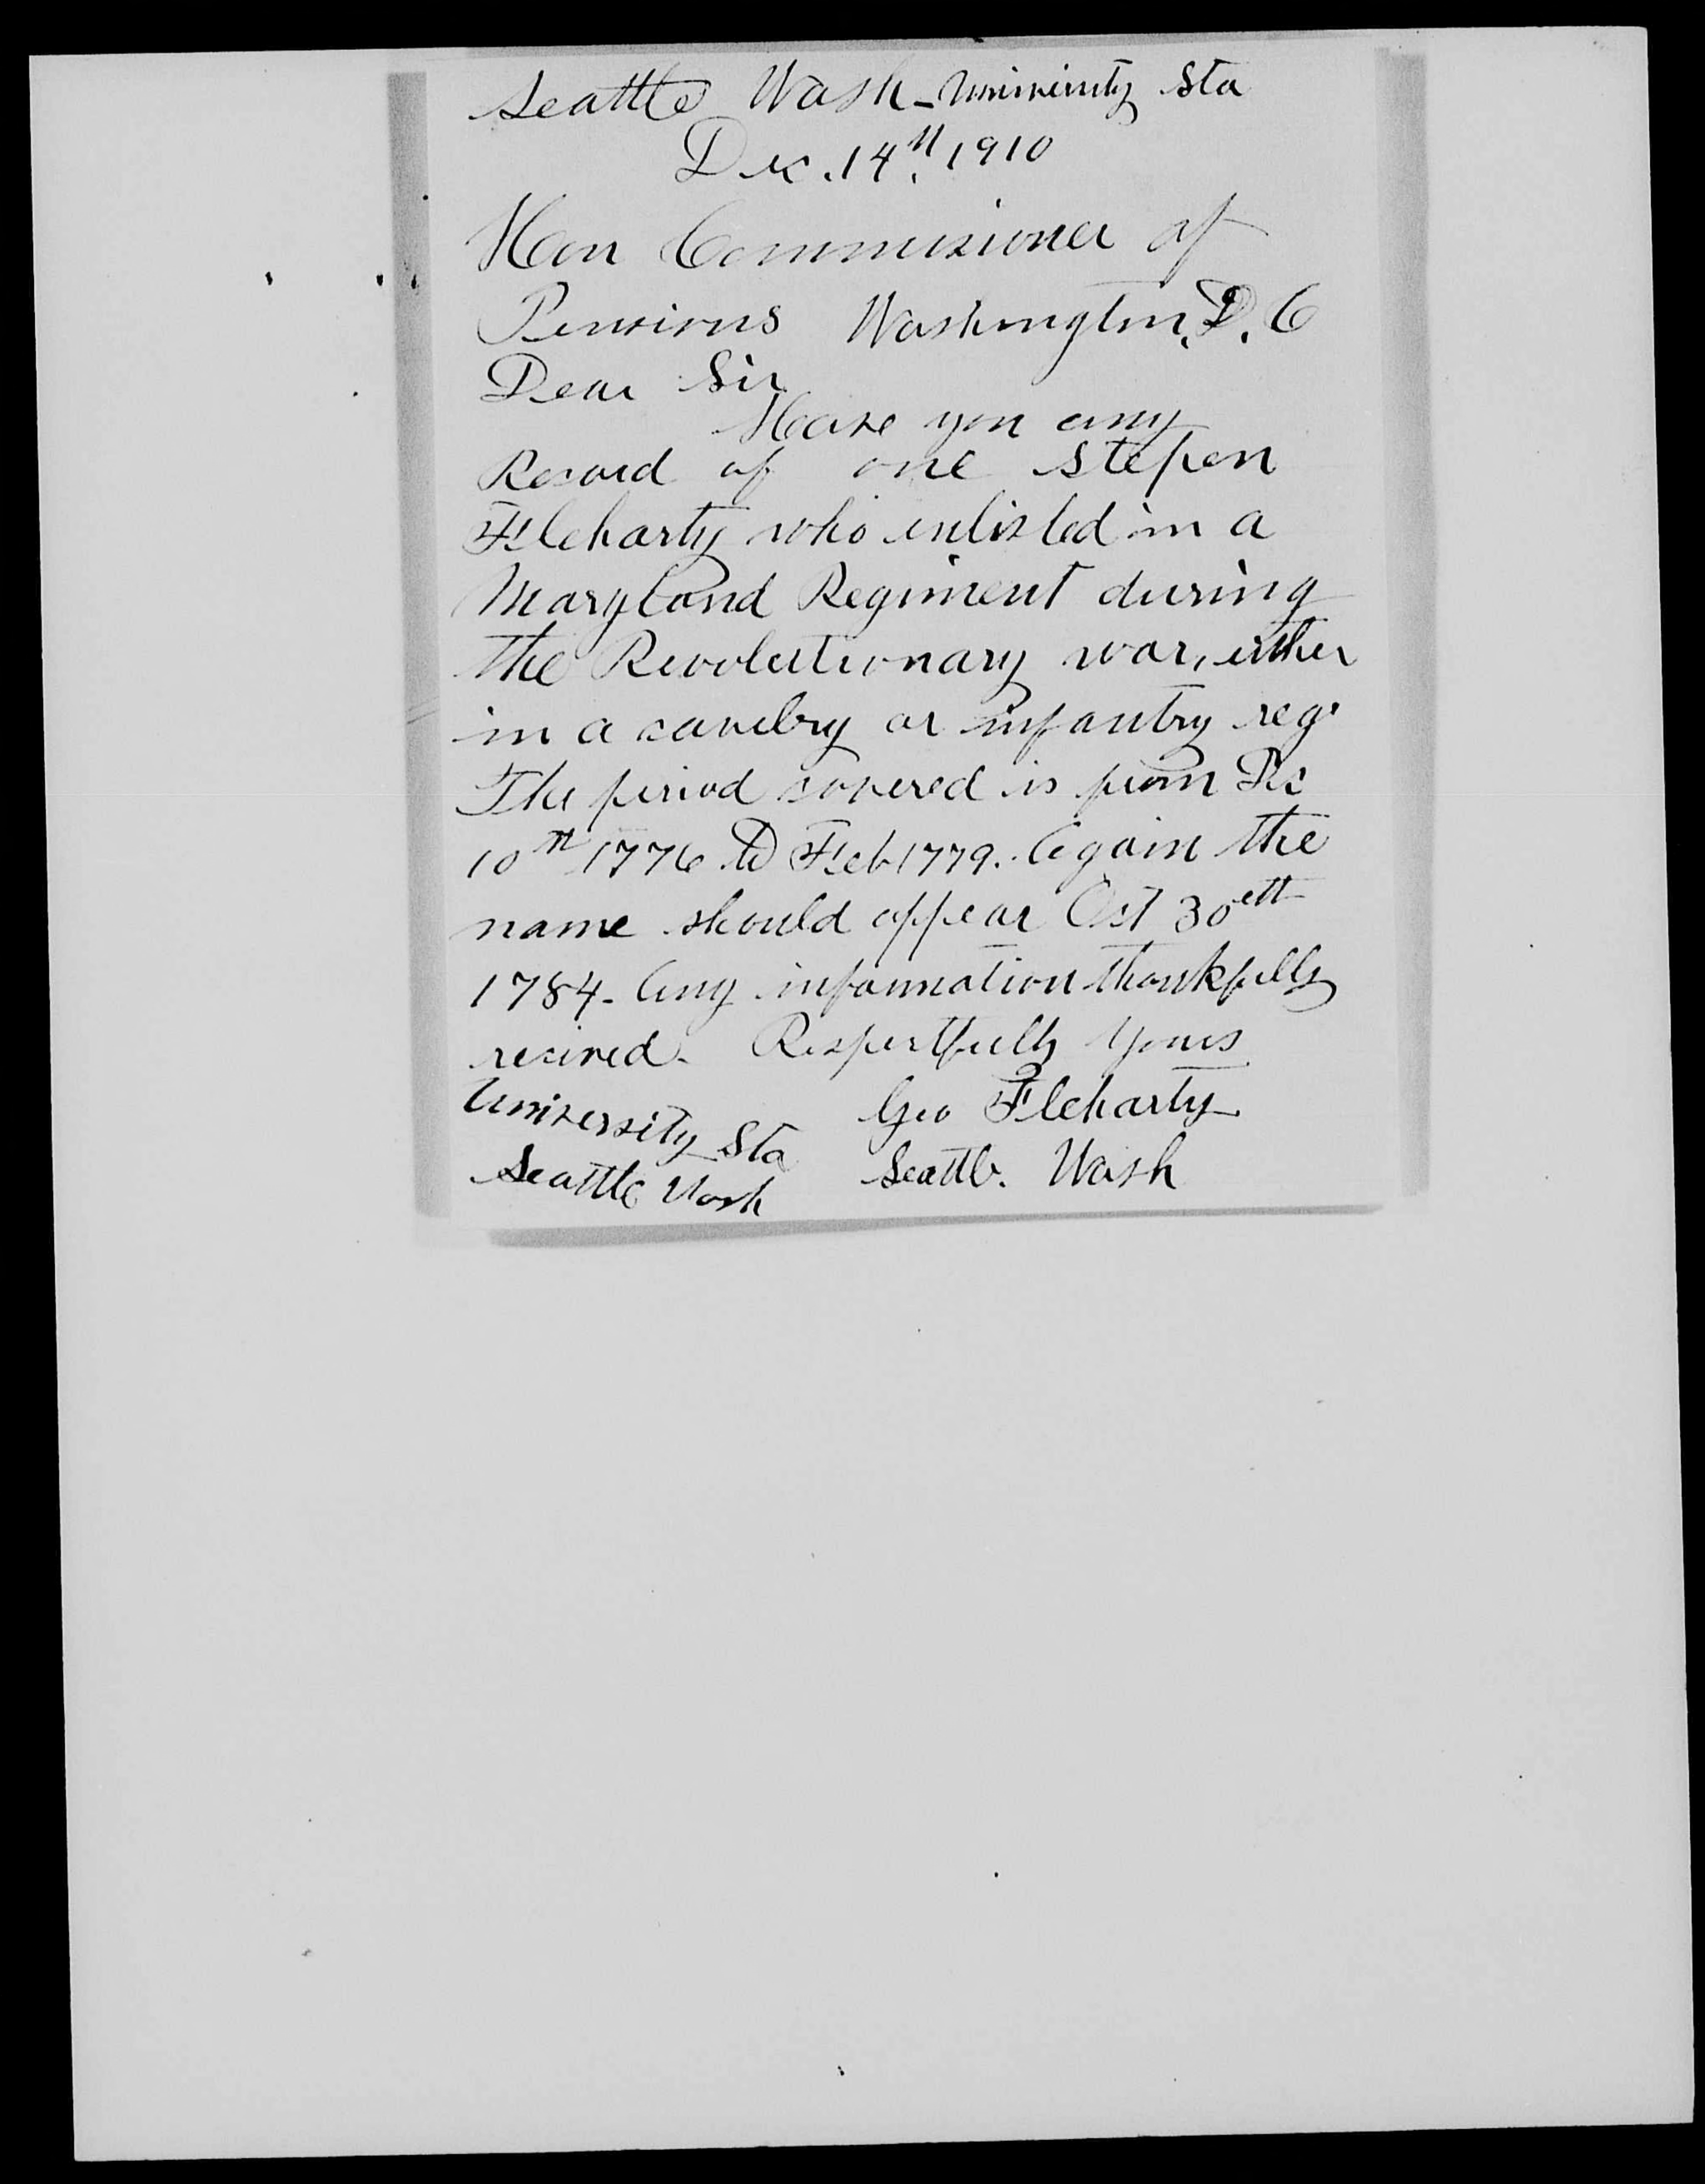Seattle Wash – University[?] Sta 

Dec 14th 1910 

Hon Commissioner of Pensions Washington D. C 

Dear Sir 
Have you any Record of one Stephen Fleharty who enlisted in a Maryland Regiment during the Revolutionary war, when in a cavalry or infantry reg. The period served is from Dec 10th 1776 to Feb 1779.  Again the name should appear Oct 30th 1784 Any information thankfully received 

Respectfully Yours 
Geo Fleharty 
Seattle Wash 

University Sta 
Seattle Wash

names: Stepen Fleharty, Geo Fleharty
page: 12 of 14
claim: survivor's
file: S. 39529, Stephen Fleeharty, Md.